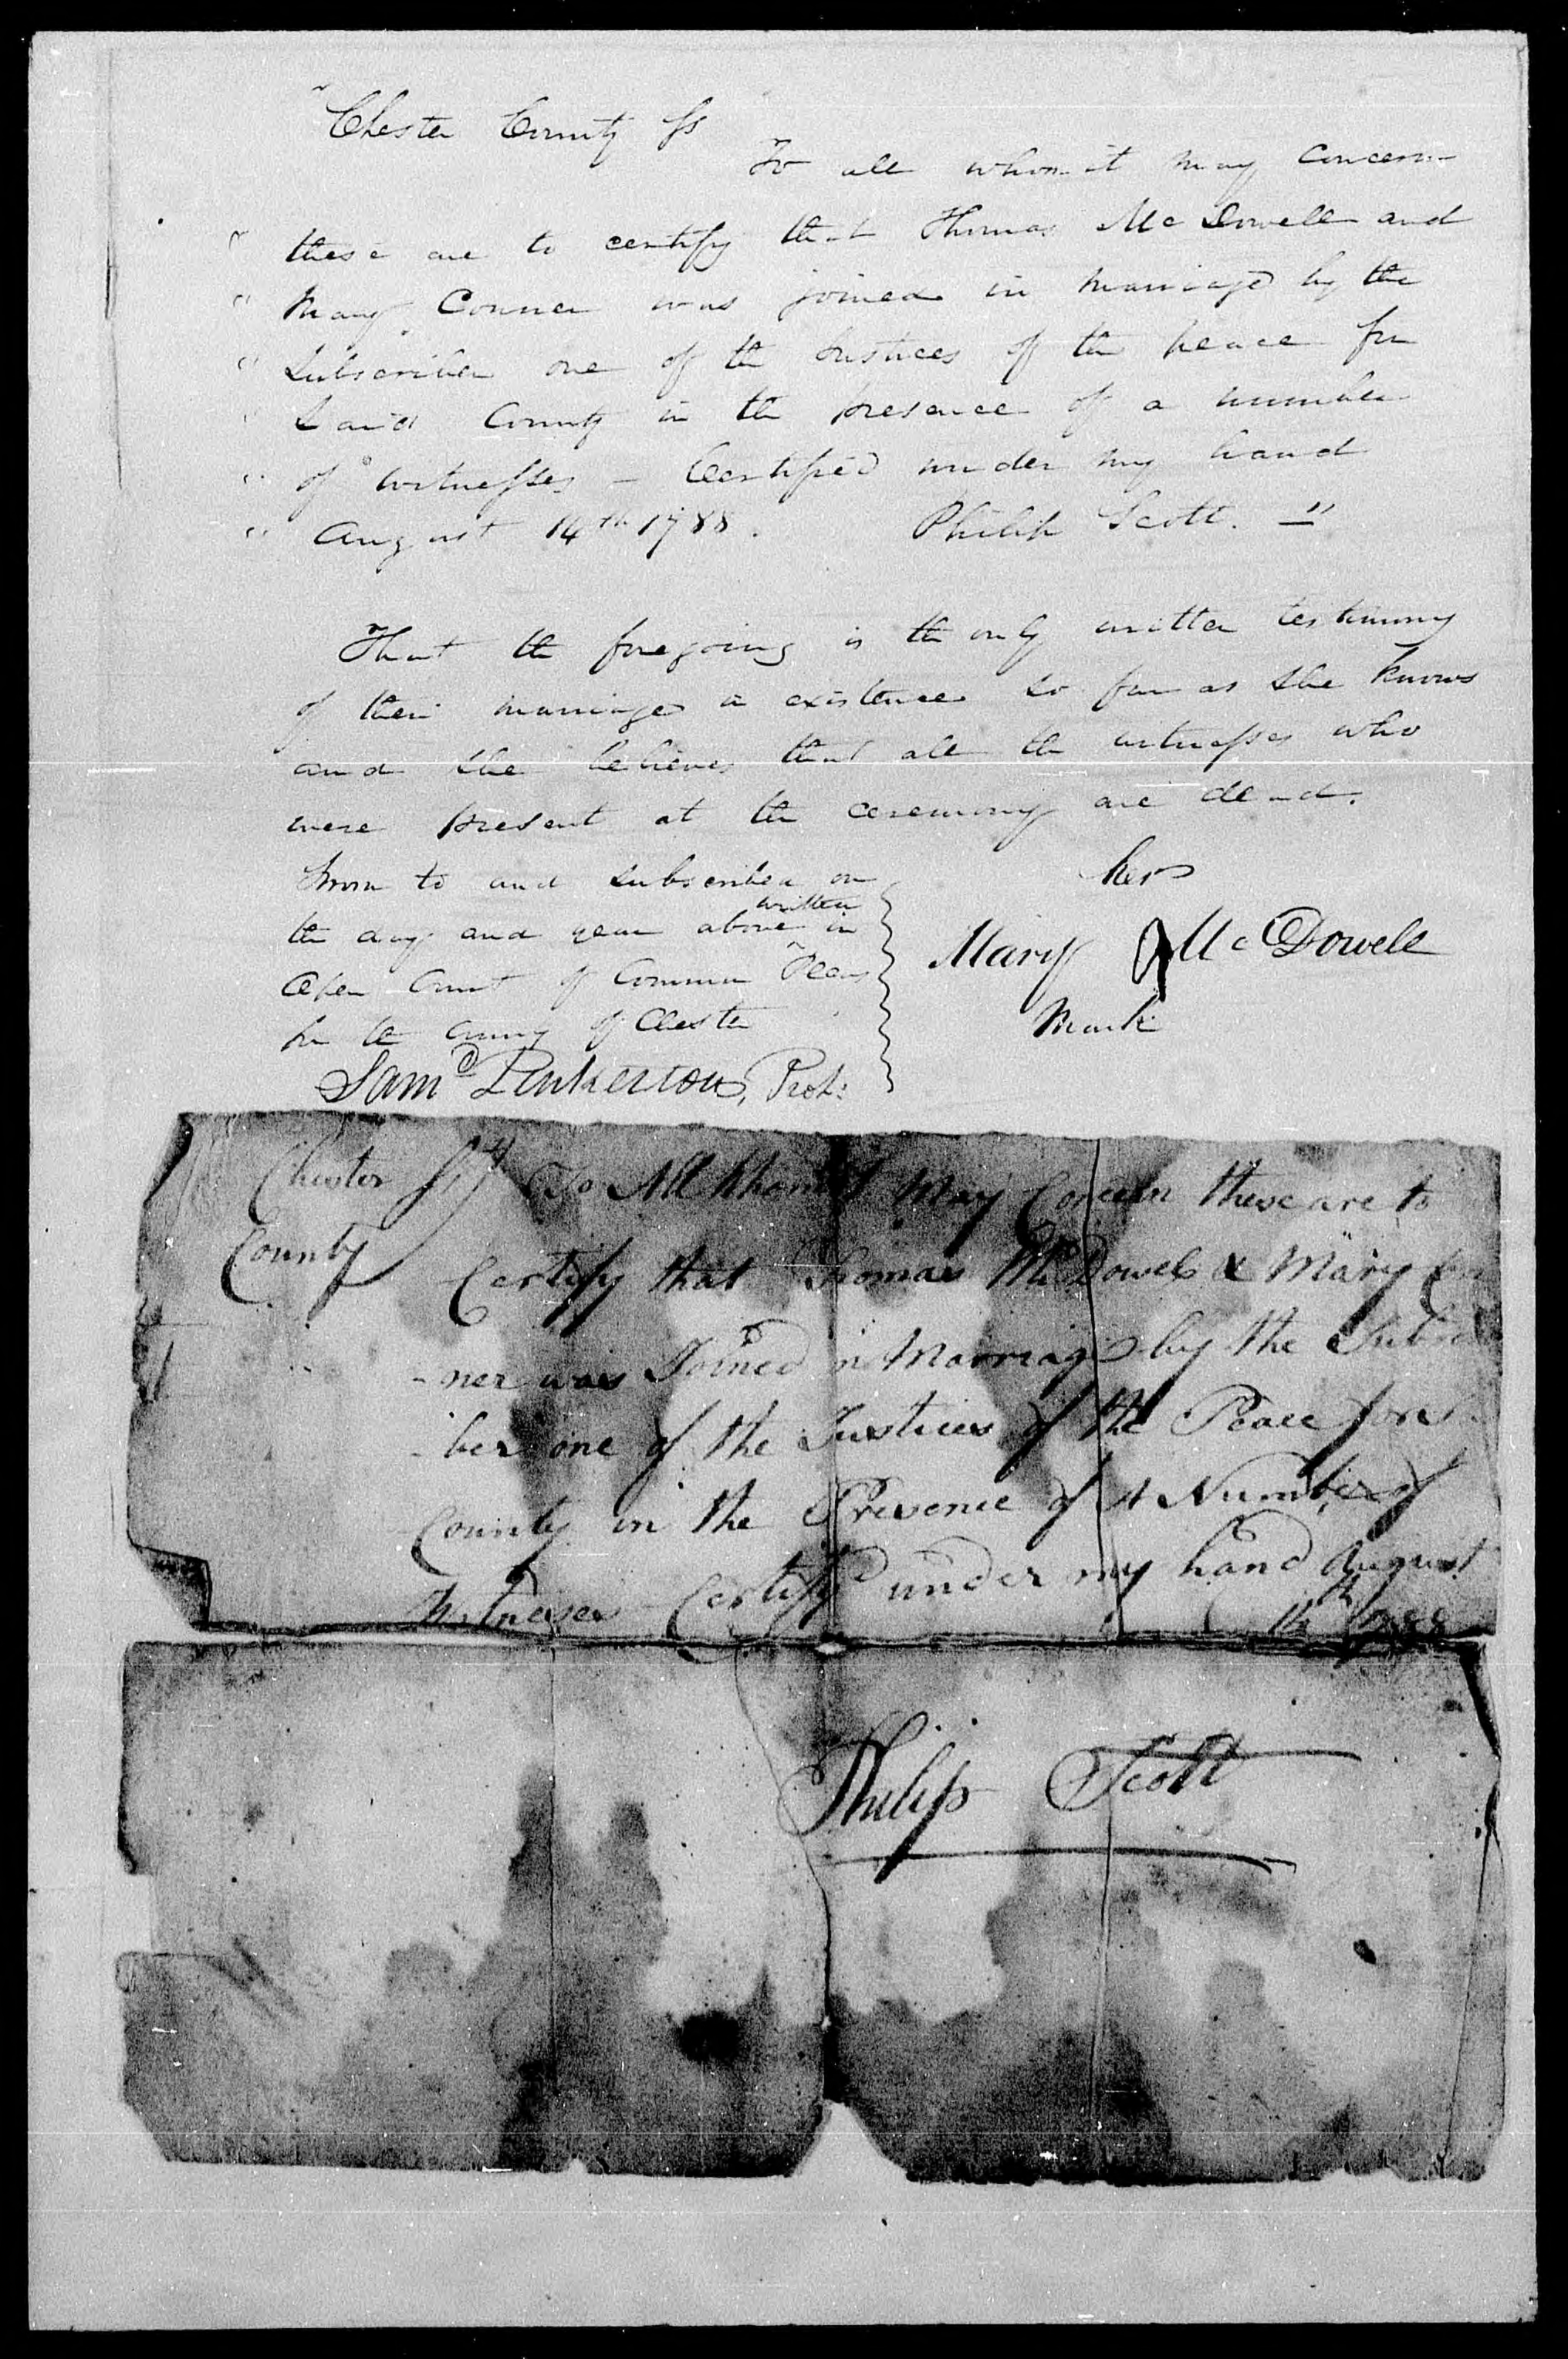"Chester County  Ss
                                 To all whom it may concern 
"these are to certify that Thomas McDowell and 
"Mary Conner was joined in marriage by the "Subscriber one of the Justices of the peace for "Said County ni the presence of a number 
"of witnesses - Certified under my hand.
"August 14th 1788.    Philip Scott.   _"

   That the foregoing is the only written testimony of the marriage in existence so far as she knows and she believes that all the witnesses who were present at the ceremony are dead.
                           Mary (her mark) McDowell
Sworn to and Subscribed on         )   
the day and year above written in )
Open Court of Common Pleas      )
in the County of Chester               )
    Sam Pinkerton, Prot:

        (ORIGINAL DOCUMENT:)

Chester   Ss   To All Whom It May Concern 
County           these are to Certify that Thomas McDowel & Mary Conner was Joined in Marriage by the Subscriber one of the Justices of the Peace for Saiud County in the Presence of A Number of Witnesses. Certified under my hand August [illegible] 1788

             Philip Scott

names: Mary Mc Dowell; Saml Pinkerton; Thomas Mc Dowell; Philip Scott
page: 7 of 63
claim: widow's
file: W 2957, for Thomas Mc Dowell, Maryland